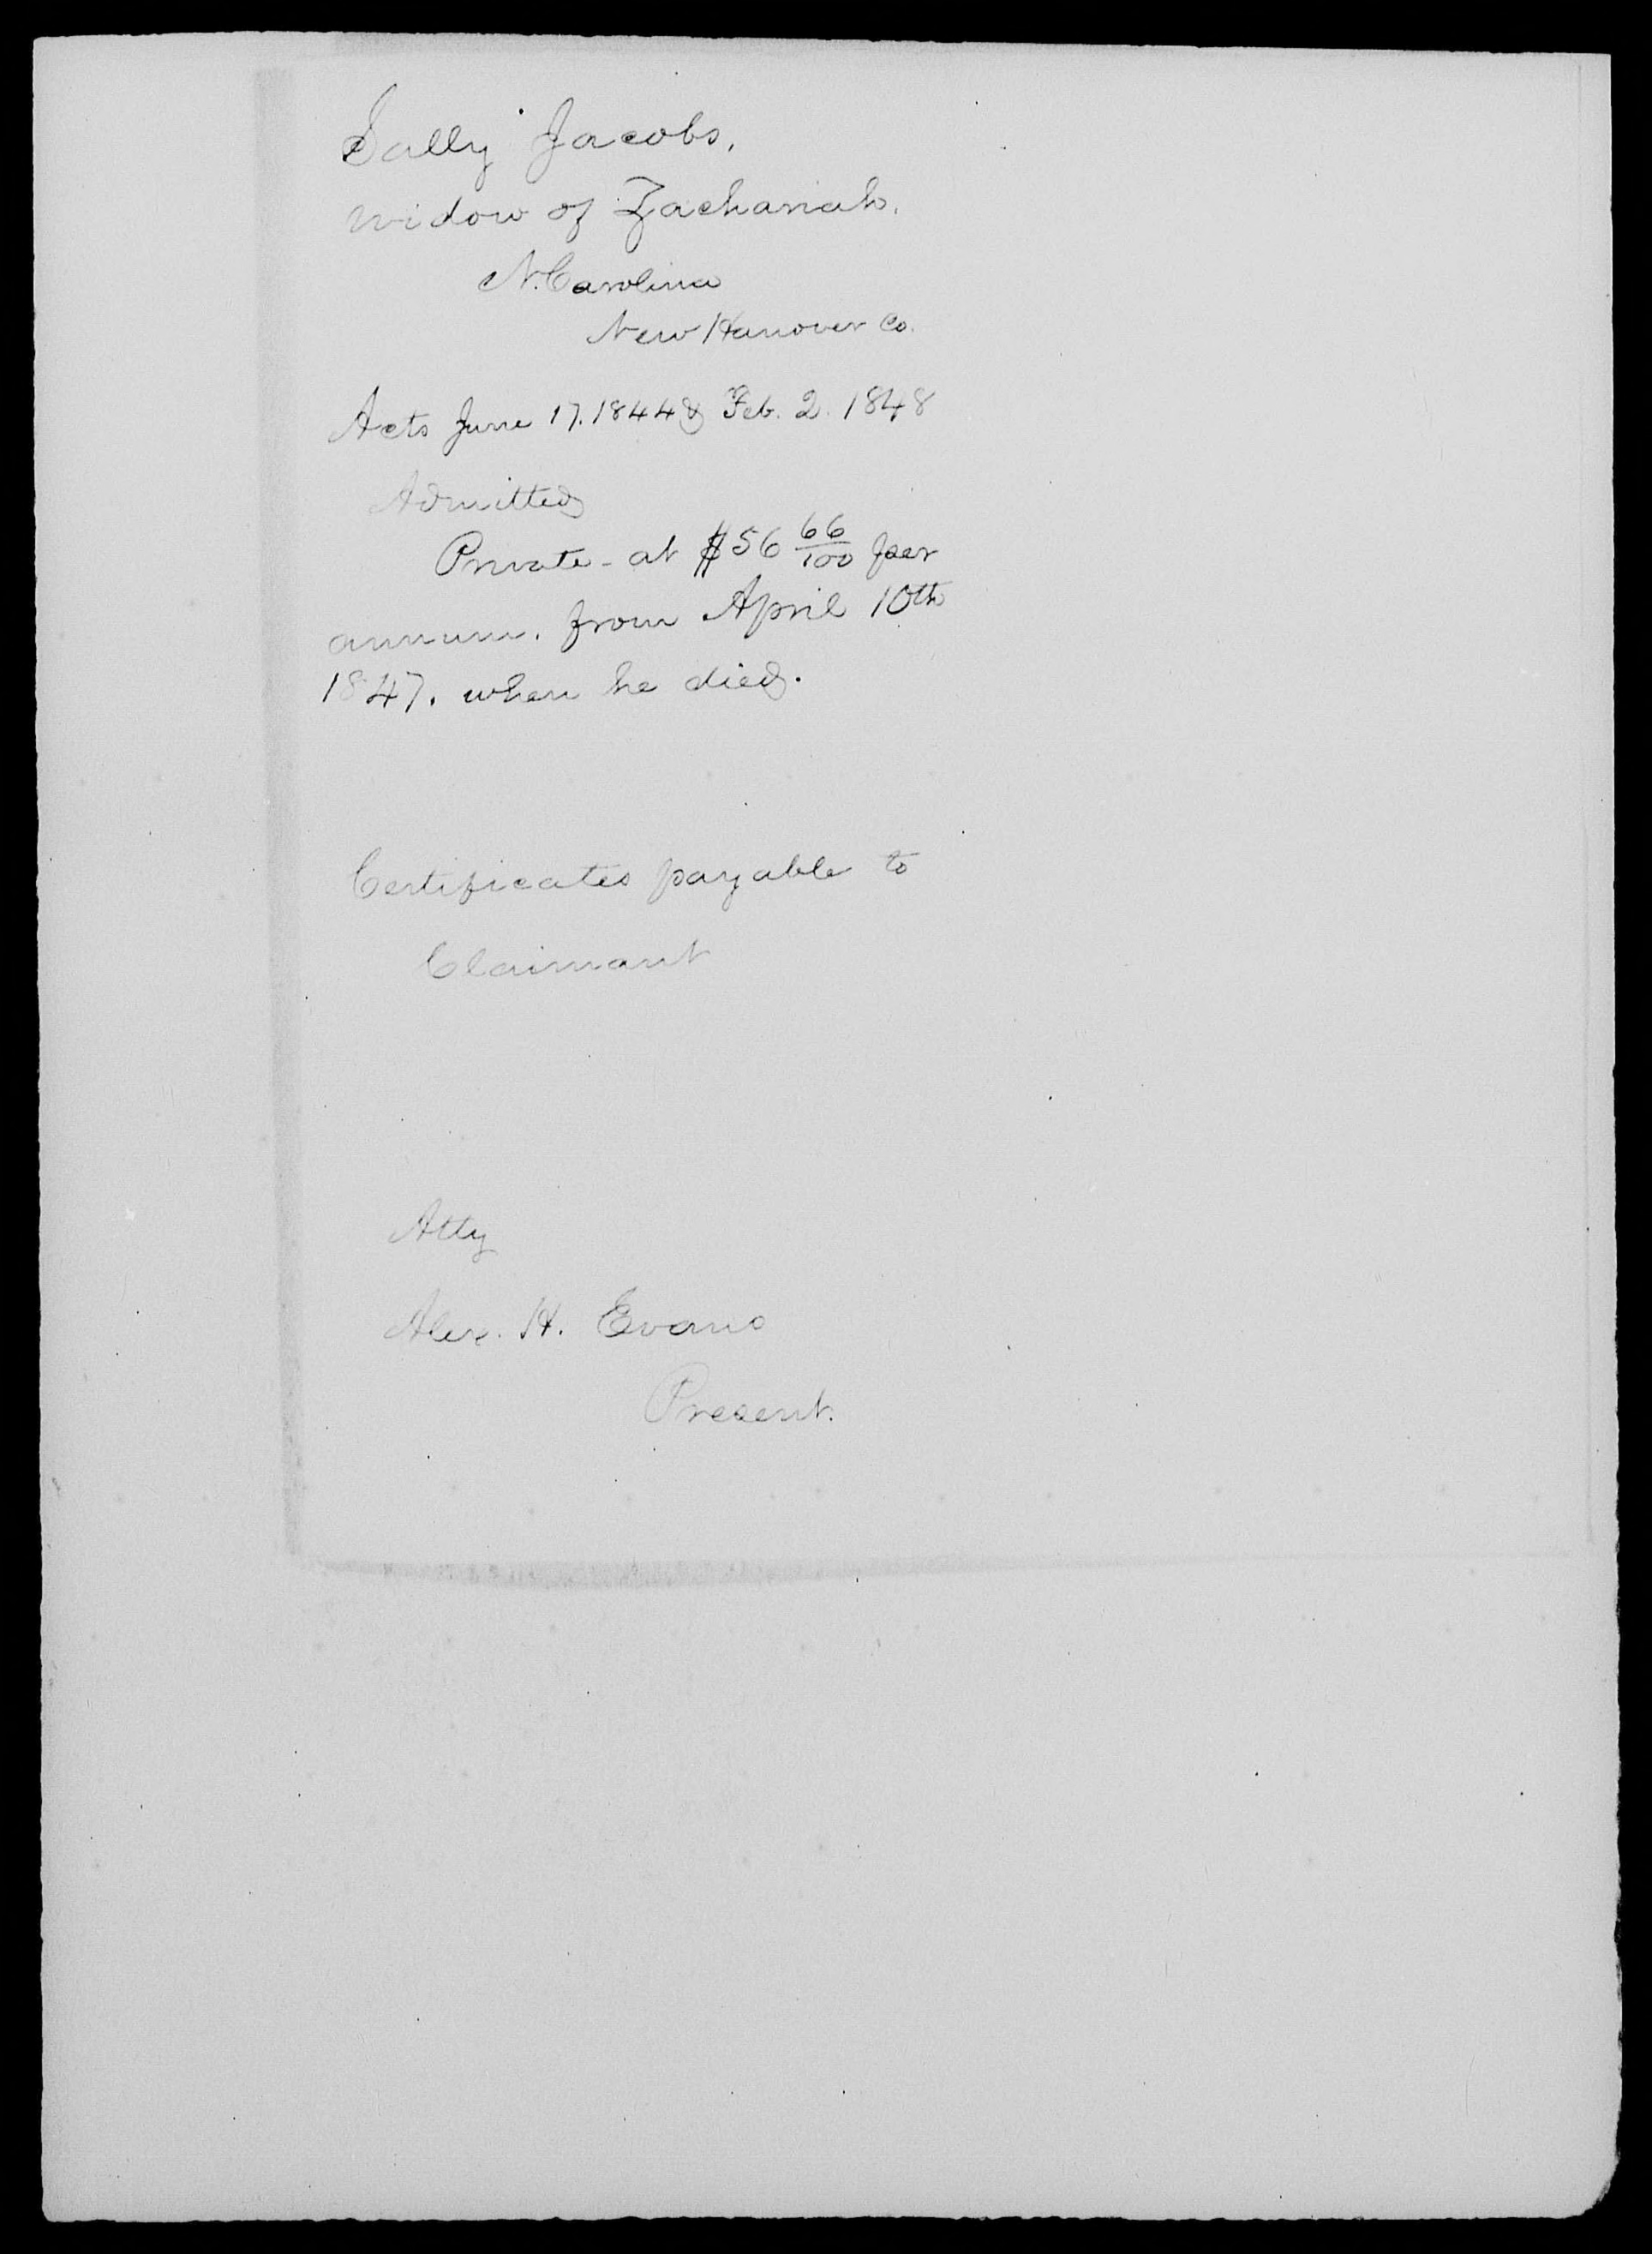Sally Jacobs,
widow of Zachariah
     N. Carolina
       New Hanover Co.

Acts June 17.1844 & Feb 2, 1848

Admitted
     Private - at $56 66/100 per
annum. from April 10th 1847.  when he died

Certificates payable to Claimant

Atty

Alex. H Evans
           Present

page: 27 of 40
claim: widow's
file: W. 5304, for Zachariah Jacobs, North Carolina